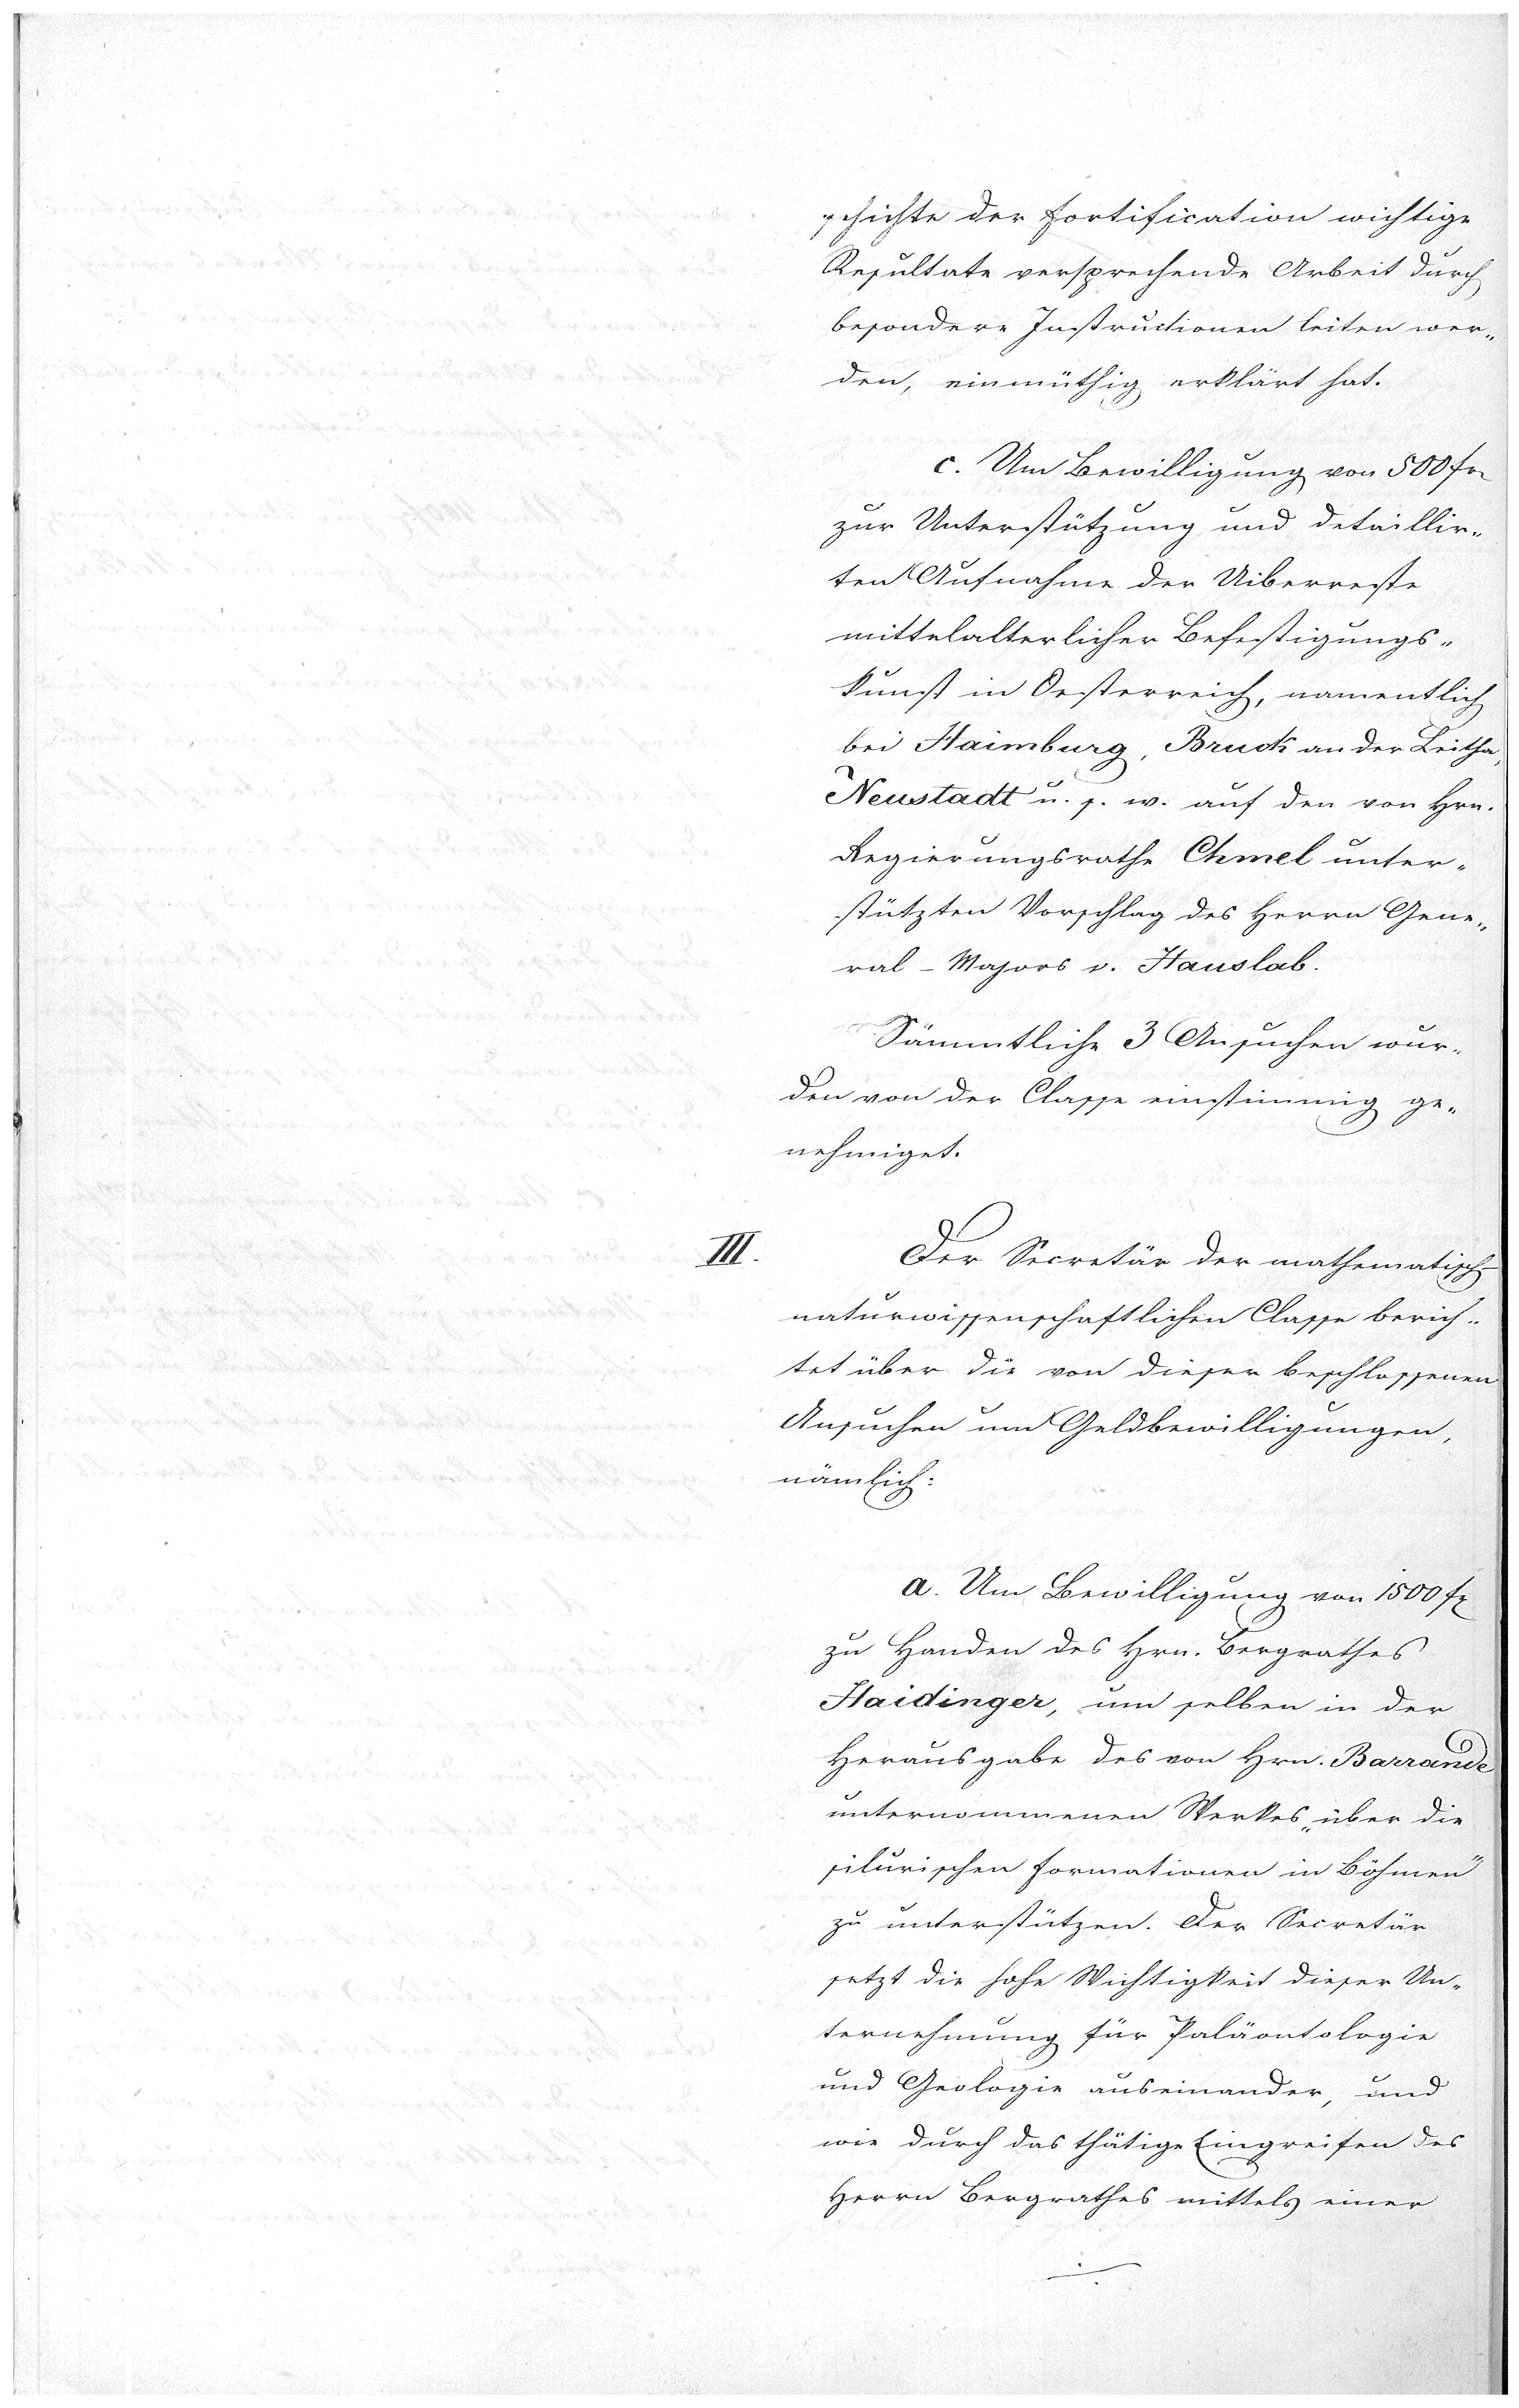schichte der Fortification wichtige
Resultate versprechende Arbeit durch
besondere Instructionen leiten wer-
den, einmüthig erklärt hat.
c. Um Bewilligung von 500 fr
zur Unterstützung und detaillir-
ten Aufnahme der Uiberreste
mittelalterlicher Befestigungs-
kunst in Oesterreich, namentlich
bei Haimburg, Bruck an der Leitha,
Neustadt u. s. w. auf den von Hrn.
Regierungsrathe Chmel unter-
stützten Vorschlag des Herrn Gene-
ral-Majors v. Hauslab.
Sämmtliche 3 Ansuchen wur-
den von der Classe einstimmig ge-
nehmiget.
Der Secretär der mathematisch-
naturwissenschaftlichen Classe berich-
tet über die von dieser beschlossenen
Ansuchen um Geldbewilligungen,
nämlich:
III.
a. Um Bewilligung von 1500 fr
zu Handen des Hrn. Bergrathes
Haidinger, um selben in der
Herausgabe des von Hrn. Barrande
unternommenen Werkes "Über die
silurischen Formationen in Böhmen"
zu unterstützen. Der Secretär
setzt die hohe Wichtigkeit dieser Un-
ternehmung für Paläontologie
und Geologie auseinander, und
wie durch das thätige Eingreifen des
Herrn Bergrathes mittels einer